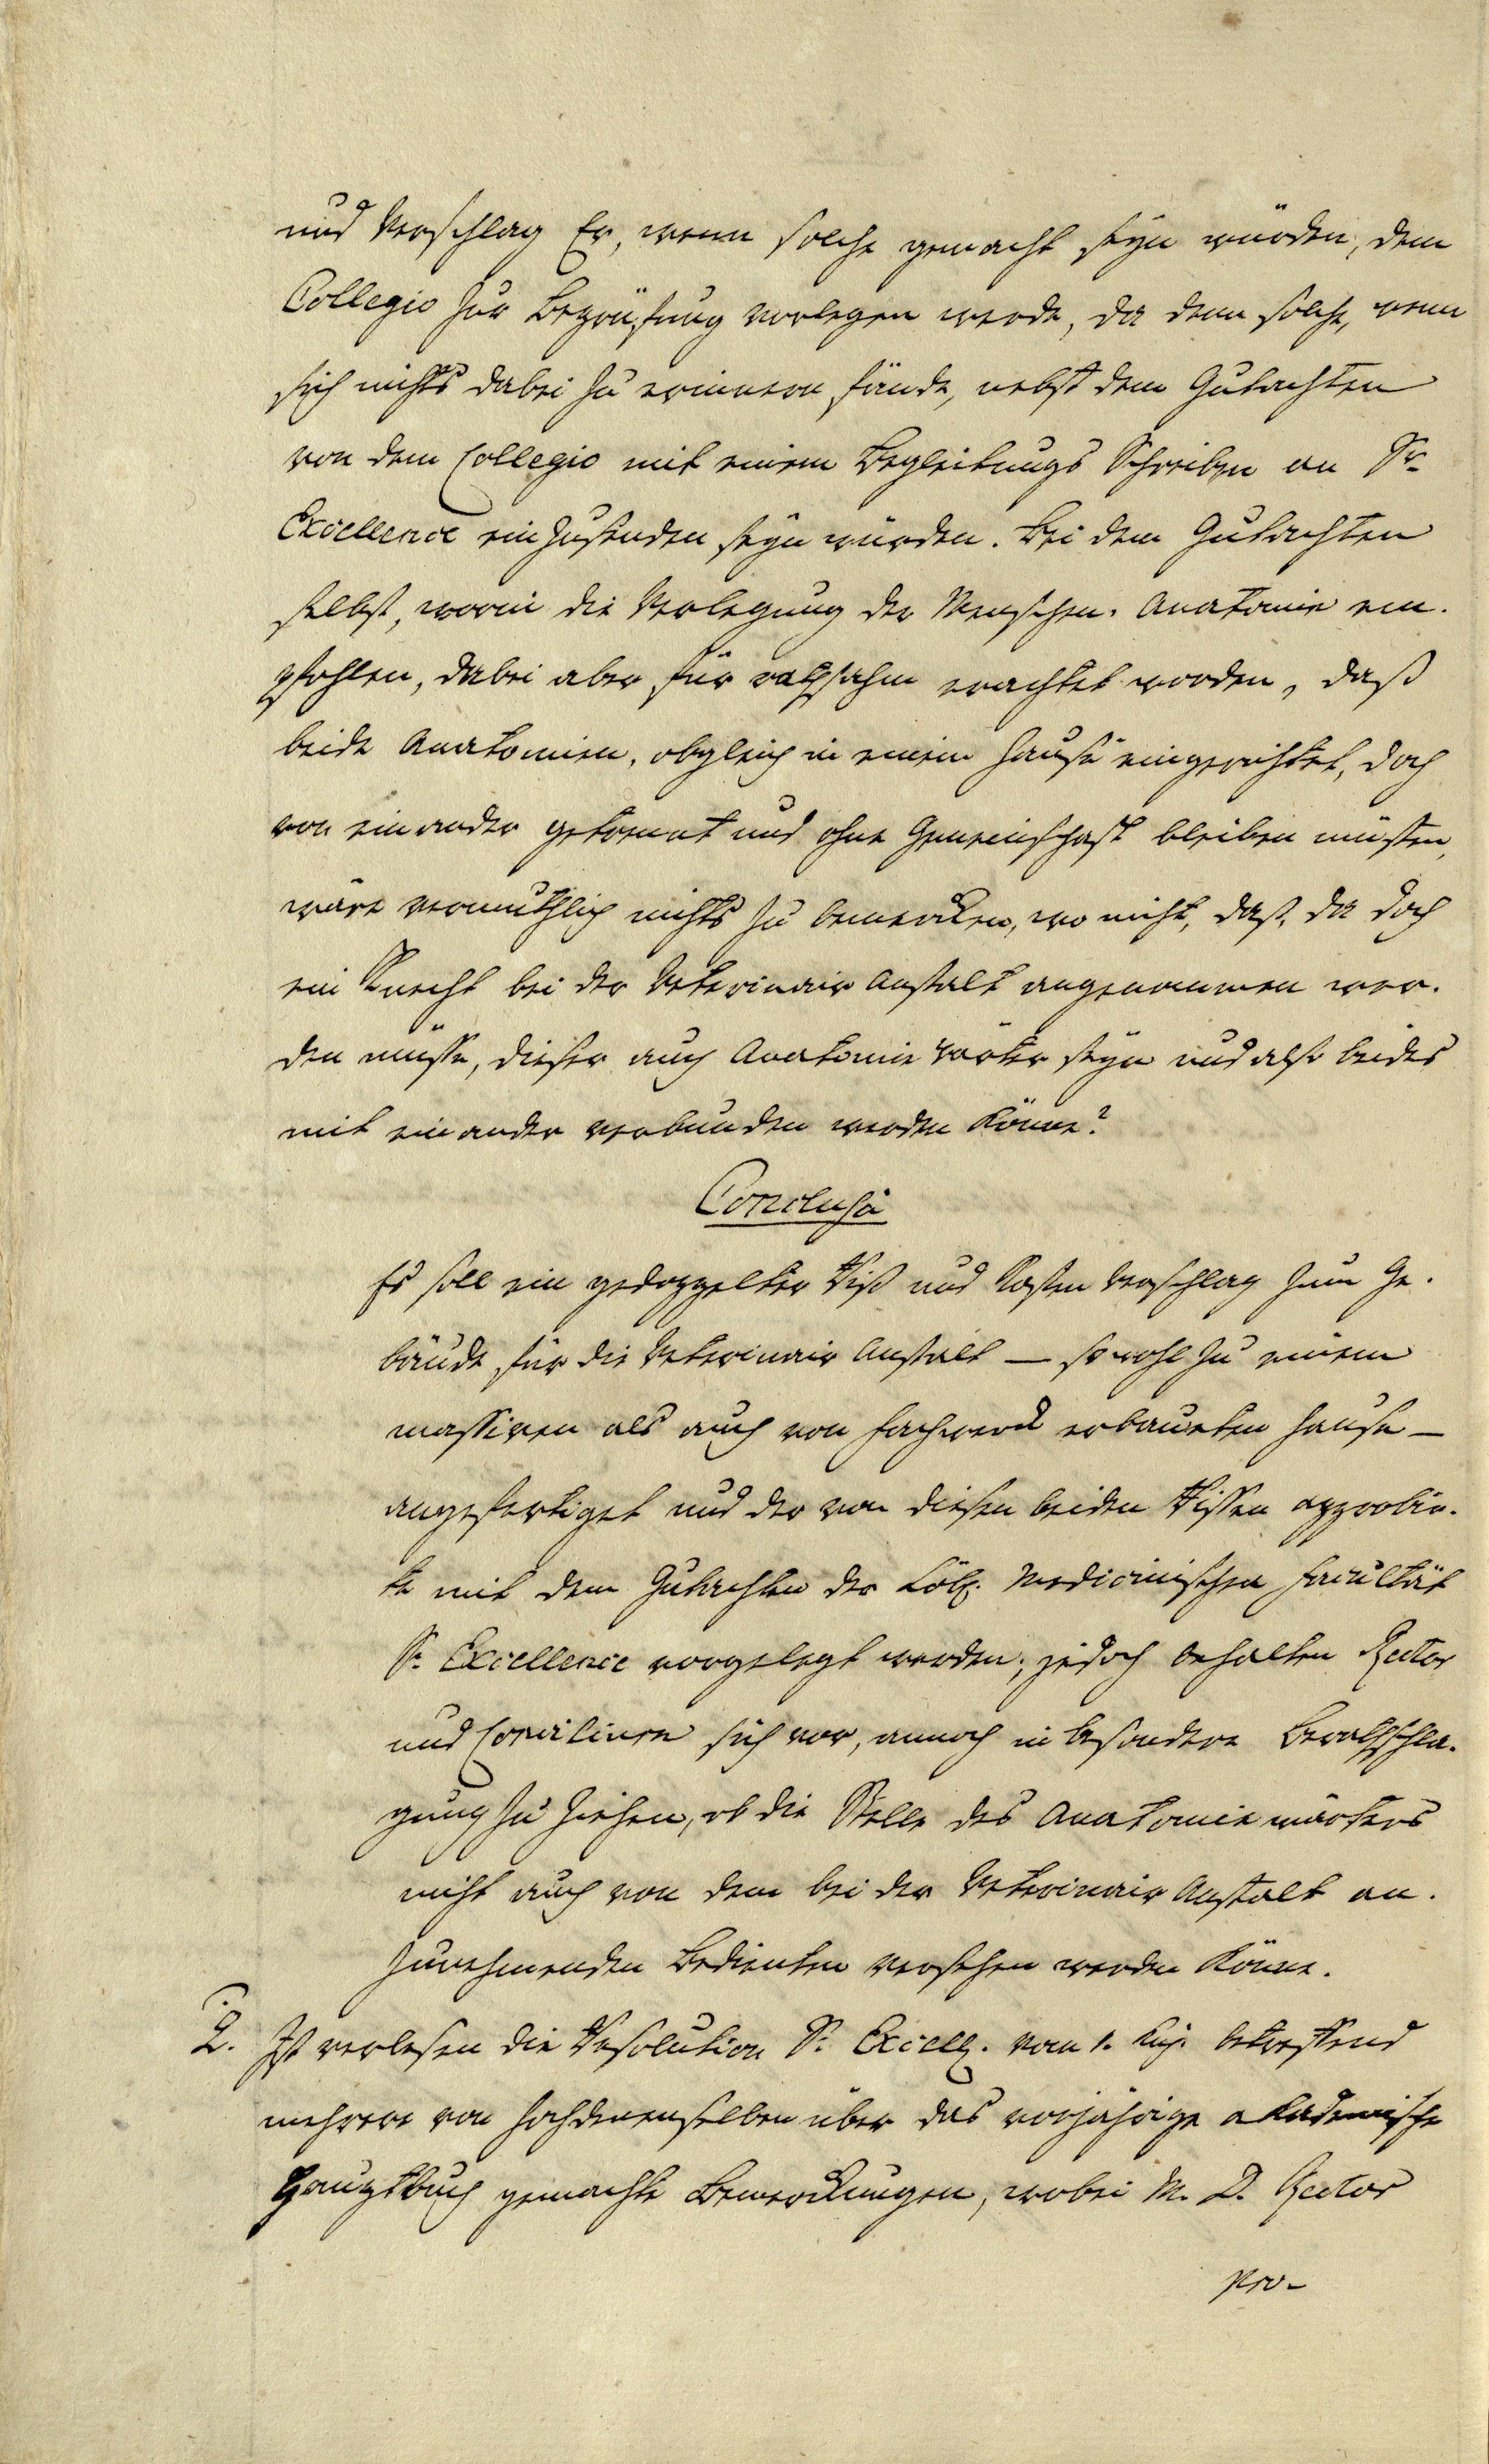und Verschlag Er, wenn solche gemacht seÿn würden, dem
Collegio zur Beprüfung vorlegen werde, da dem solche, wenn
sich nichts dabei zu erinnern fände, nebst dem Gutachten
von dem Collegio mit einem Begleitungs Schreiben an Sr
Excellence einzusenden seÿn würden. Bei dem Gutachten
selbst, worin die Verlegung der Menschen. Anatomie em¬
pfohlen, dabei aber für rathsahm erachtet worden, daß
beide Anatomien, obgleich in einem Hause eingerichtet, doch
von einander getrennt und ohne Gemeinschaft bleiben müsten,
wäre vermuthlich nichts zu bemercken, wo nicht, daß, da doch
ein Knecht bei der Veterinair Anstalt angenommen wer¬
den müsse, dieser auch Anatomie Wärter seÿn und also beides
mit einander verbunden werden könne?
Conclusum
Es soll ein gedoppelter Riß und Kosten Verschlag zum Ge¬
bäude für die Veterinair Anstalt so wohl zu einem
massiven als auch von Fachwerck erbaueten Hause
angefertiget und der von diesen beiden Rissen approbir¬
te mit dem Gutachten der Löbl. Medicinischen Facultät
Sr Excellence vorgelegt werden, jedoch behalten Rector
und Concilium sich vor, annoch in besondere Berathschla¬
gung zu ziehen, ob die Stelle des Anatomiewärters
nicht auch von dem bei der Veterinair Anstalt an¬
zunehmenden Bedienten versehen werden könne.
2. Ist verlesen die Resolution Sr. Excell. vom 1. huj. betreffend
mehrere von hochdenenselben über das vorjährige akademische
Hauptbuch gemachte Bemerckungen, wobei M. D. Rector
pro¬